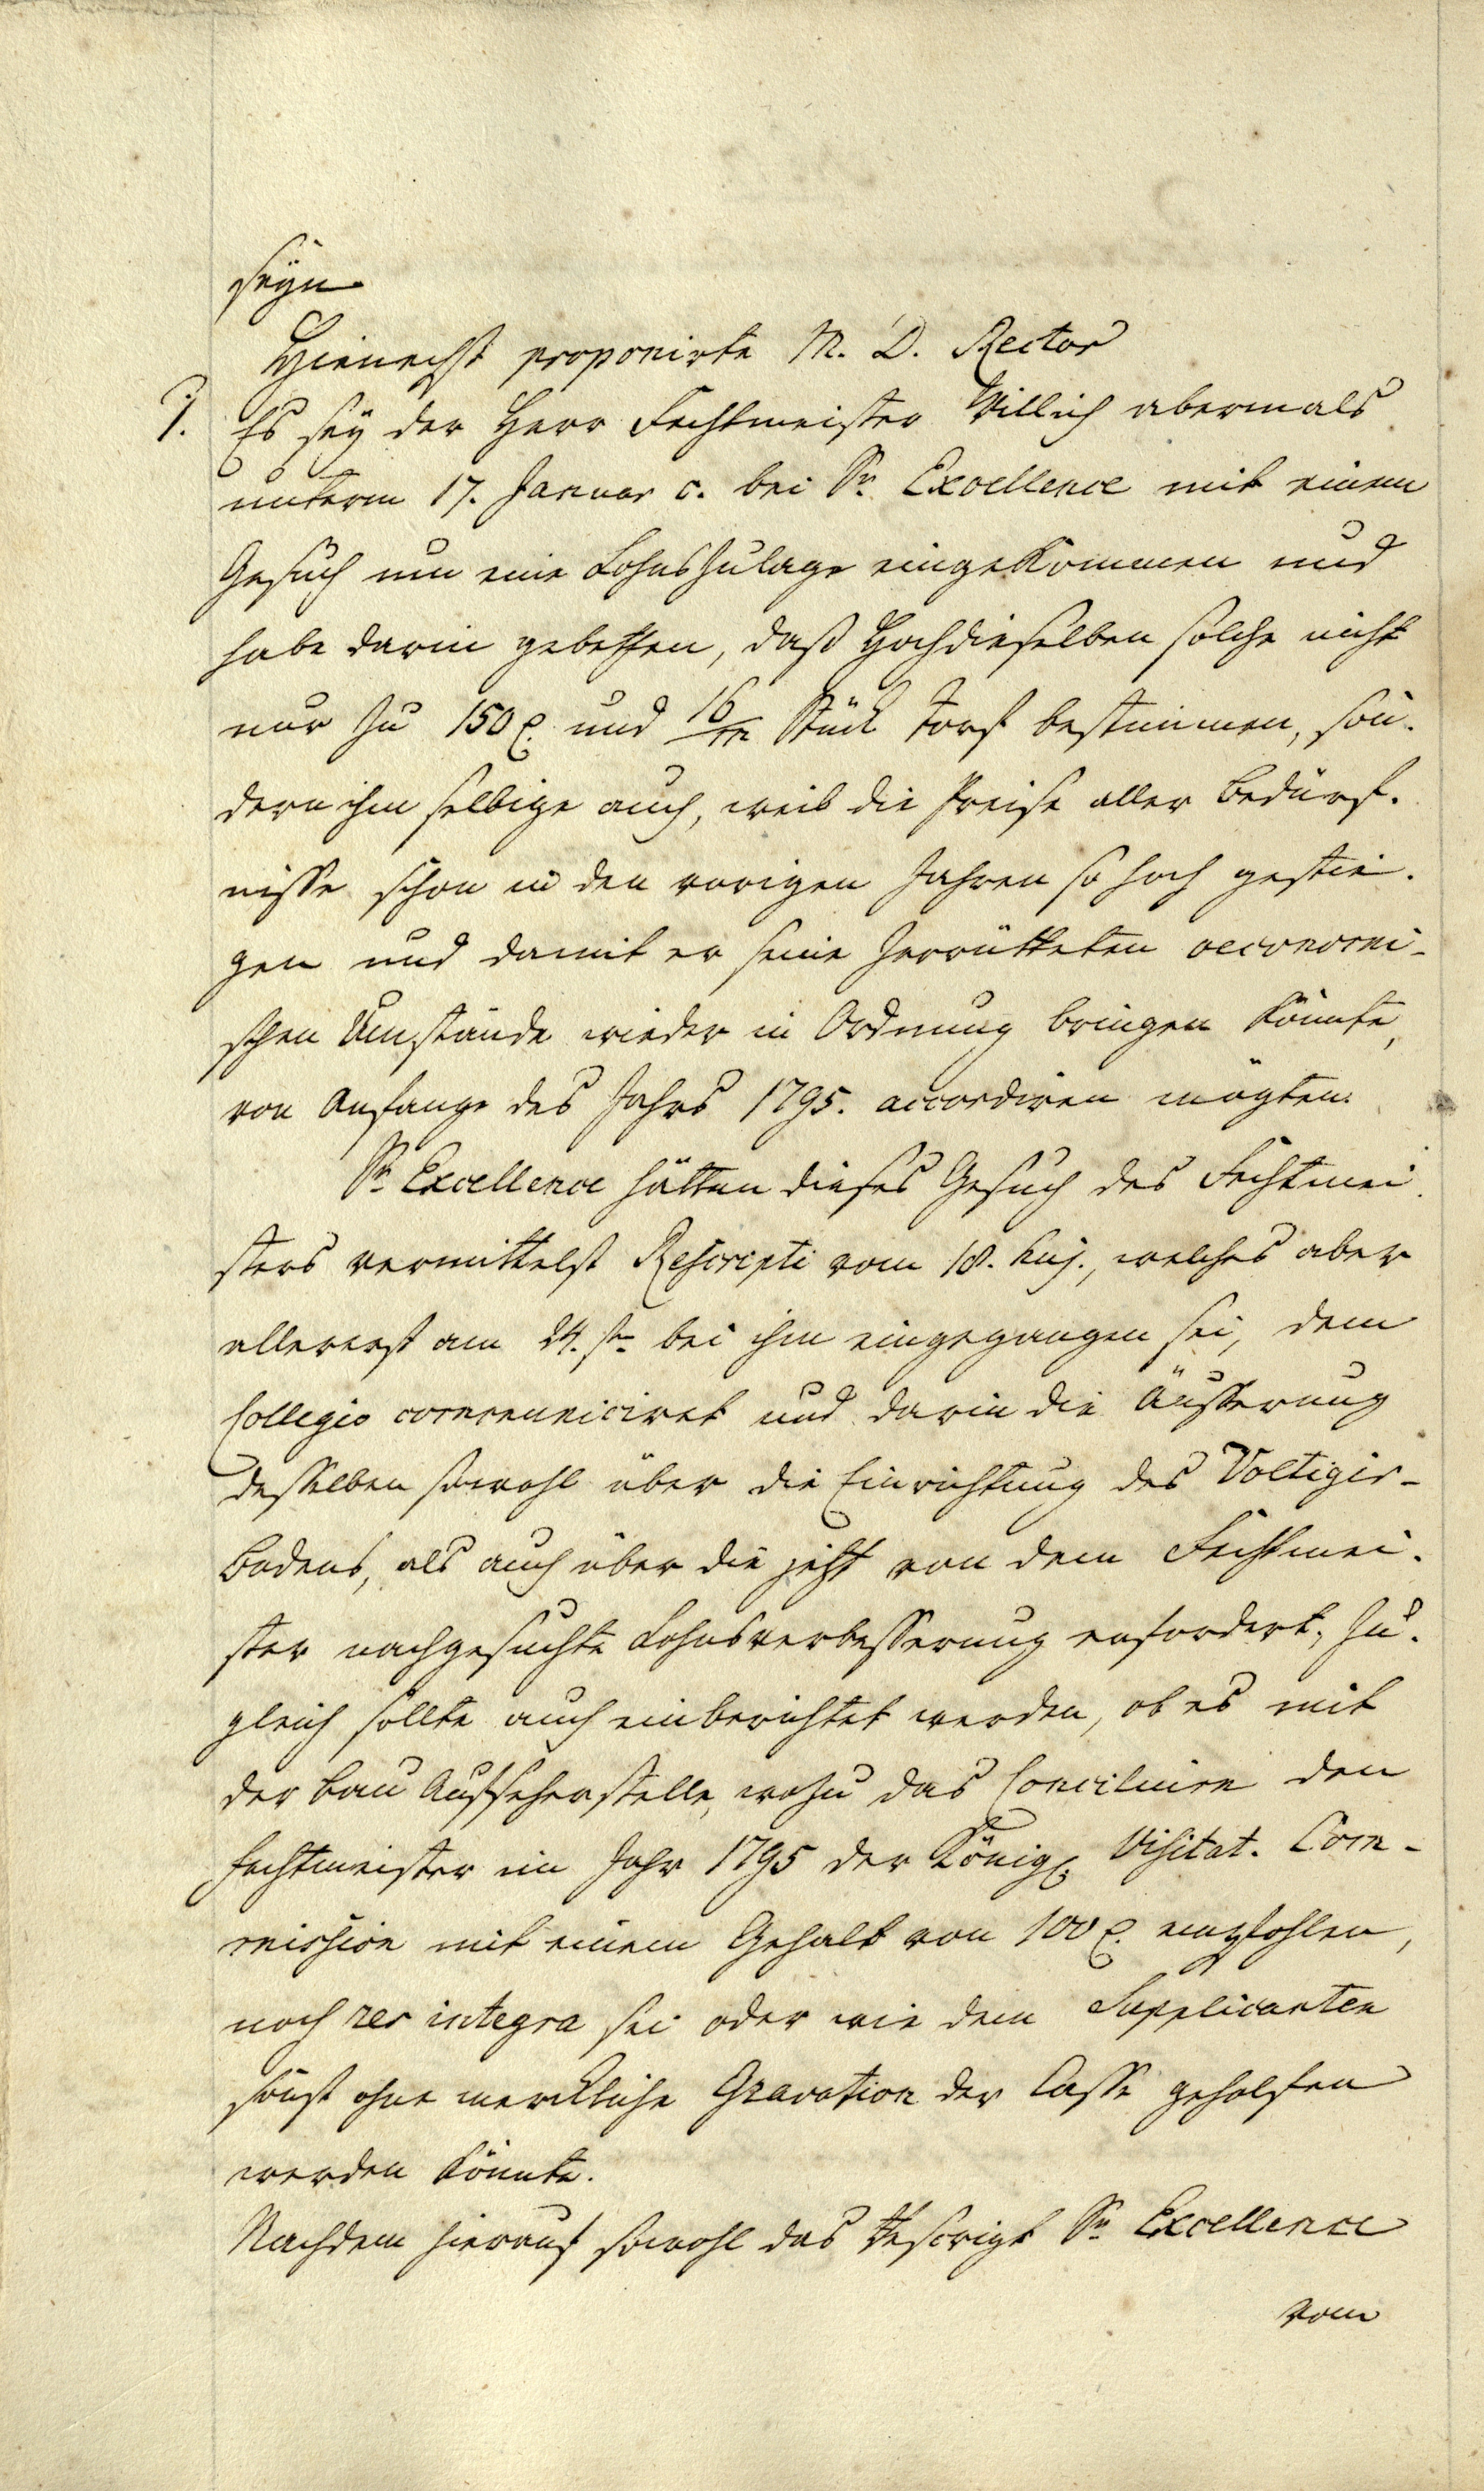seÿn.
Hienechst proponirte M. D. Rector
1. Es seÿ der Herr Fechtmeister Willich abermals
unterm 17. Januar c. bei Sr Excellence mit einem
Gesuch um eine Lohnszulage eingekommen und
habe darin gebethen, daß Hochdieselben solche nicht
nur zu 150 l. und 16/m Stück Torf bestimmen, son¬
dern ihm selbige auch, weil die Preise aller Bedürf¬
nisse schon in den vorigen Jahren so hoch gestie¬
gen und damit er seine zerrütteten oeconomi¬
schen Umstände wieder in Ordnung bringen könnte,
von Anfange des Jahres 1795. accordiren mögten.
Sr Excellence hätten dieses Gesuch des Fechtmei¬
sters vermittelst Rescripti vom 18. huj., welches aber
allererst am 24. sten bei ihm eingegangen sei, dem
Collegio communiciret und darin die Äusserung
desselben sowohl über die Einrichtung des Voltigir¬
Bodens, als auch über die jetzt von dem Fechtmei¬
ster nachgesuchte Lohnsverbesserung erfordert, zu
gleich sollte auch einberichtet werden, ob es mit
der Bau Aufseherstelle, wozu das Concilium den
Fechtmeister im Jahr 1795 der Königl. Visitat. Com¬
mission mit einem Gehalt von 100 l. empfohlen,
noch res integra sei oder wie dem Supplicanten
sonst ohne merckliche Gravation der Casse geholfen
werden könnte.
Nachdem hierauf sowohl das Rescript Sr Excellence
vom